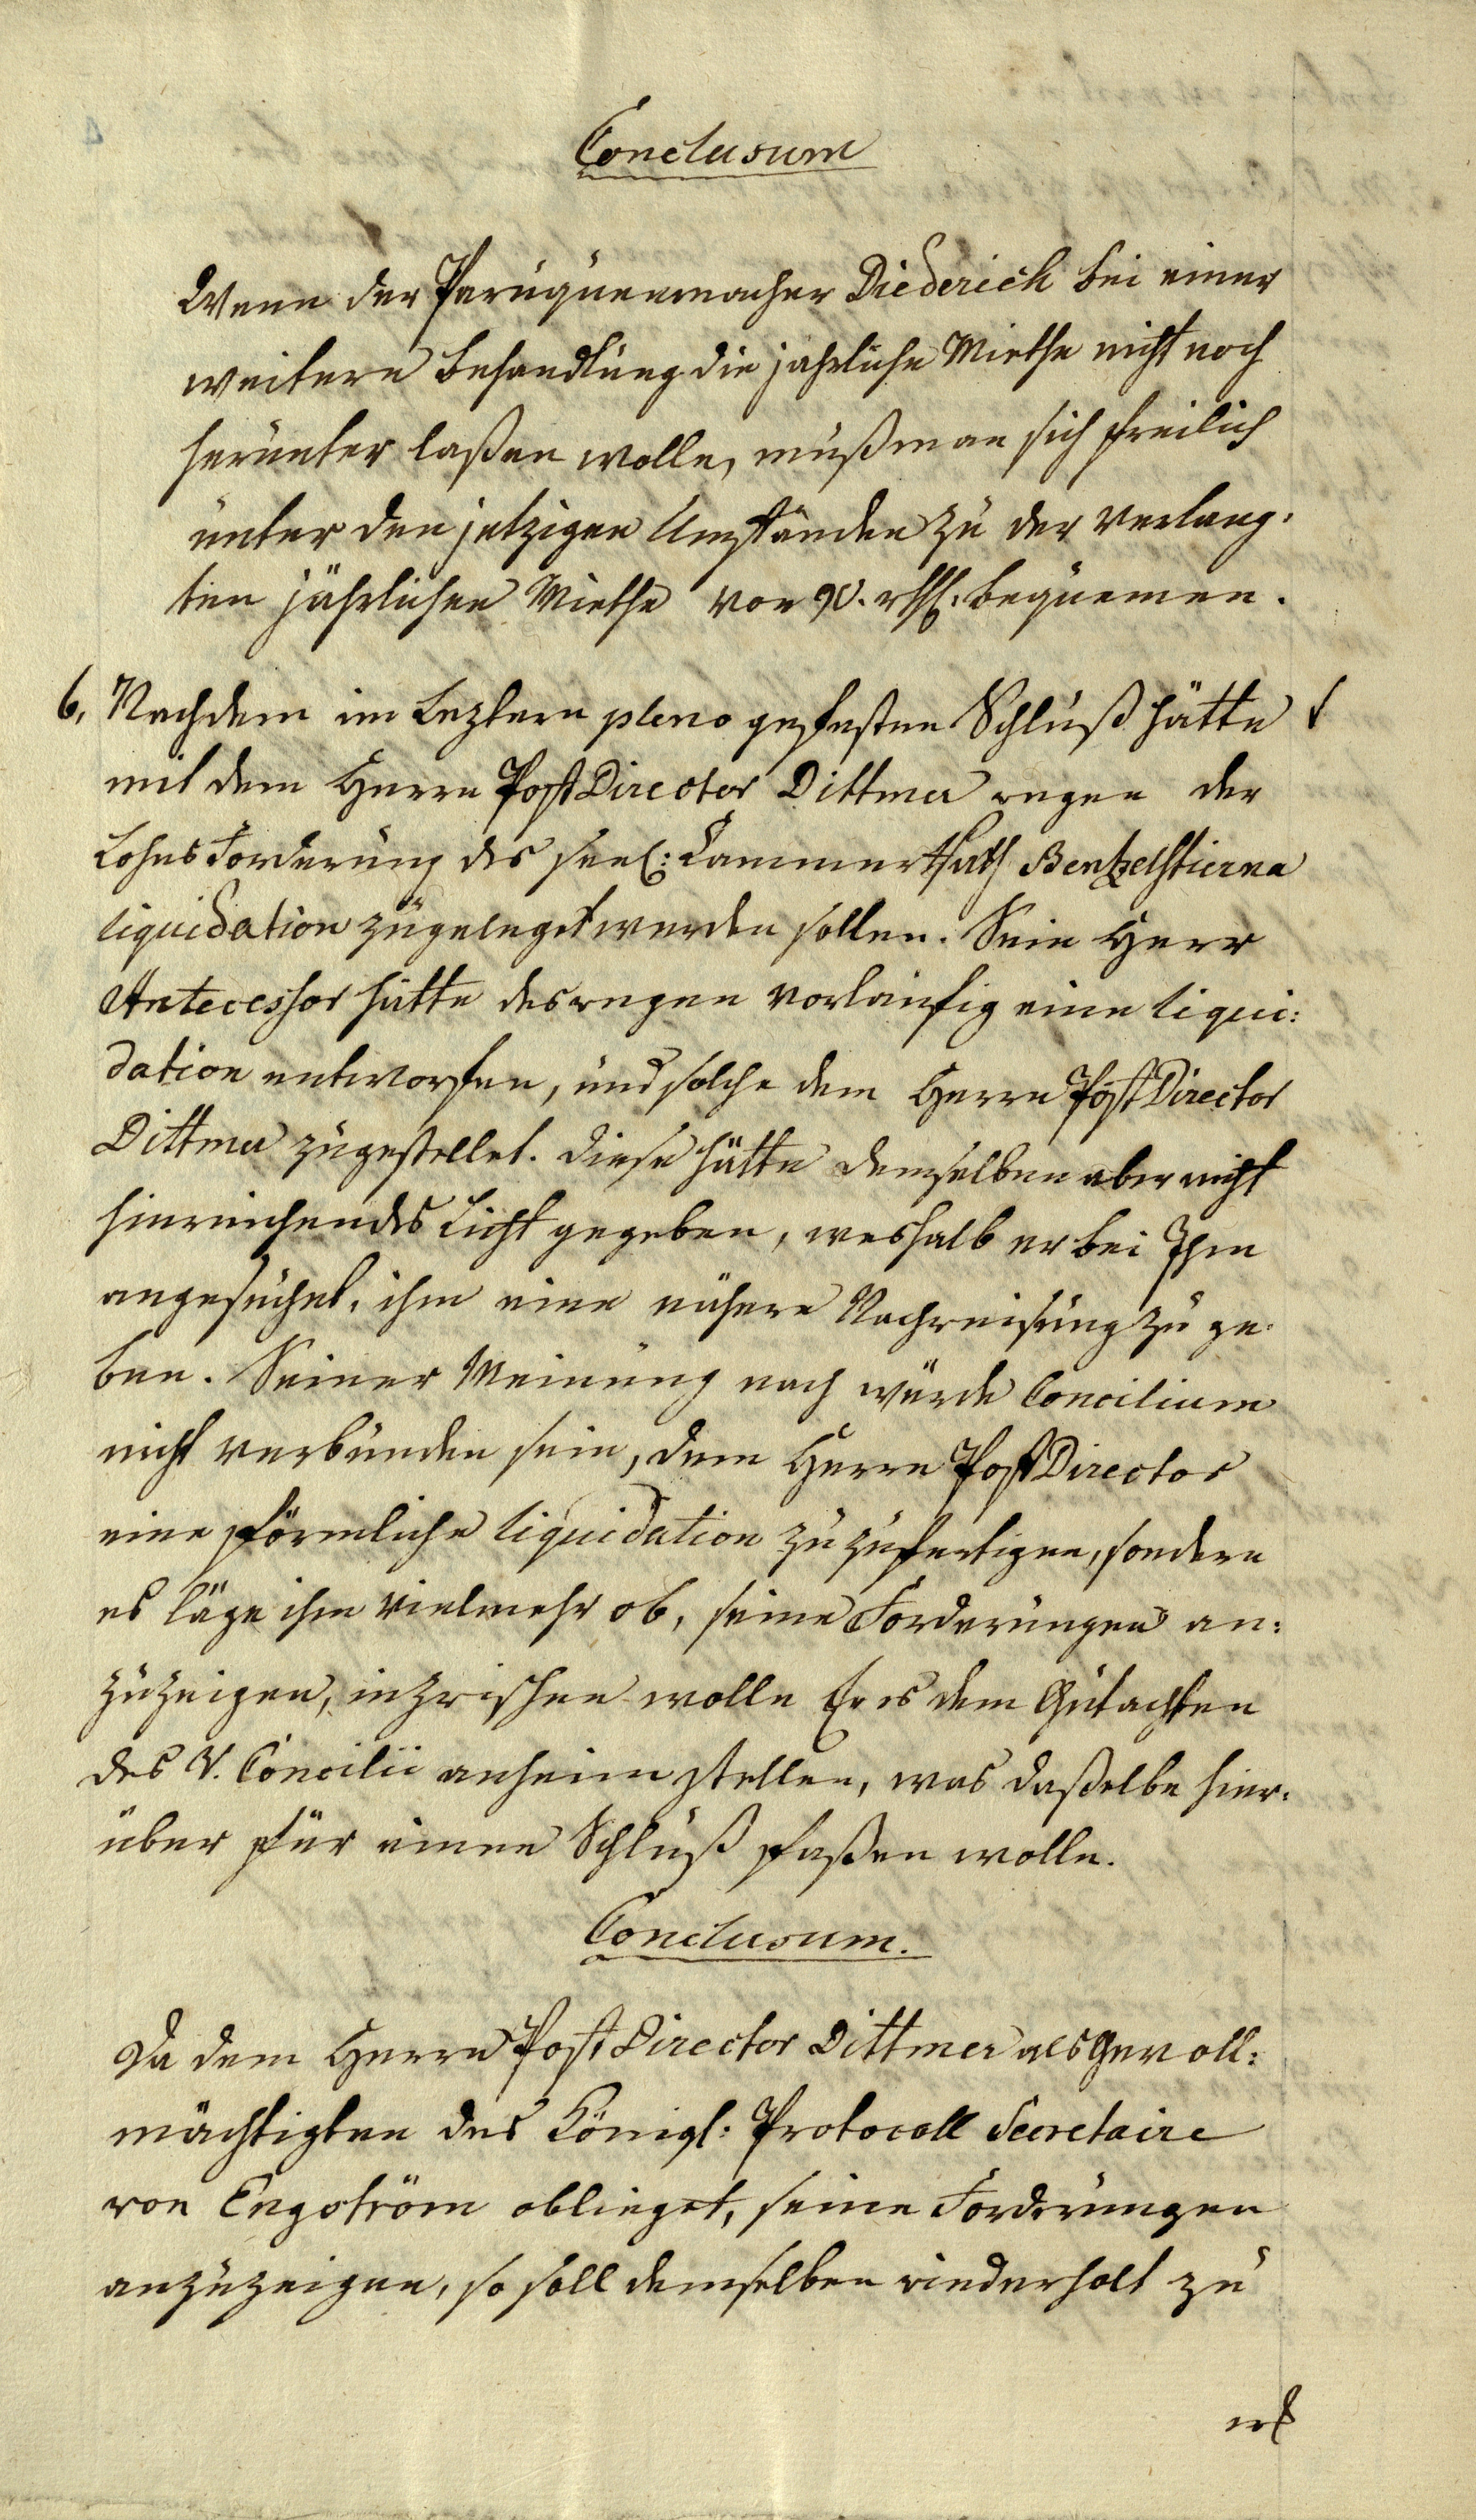Conclusum
Wenn der Paruquenmacher Diederich bei einer
weiteren Behandlung die Miethe nicht noch
herunter lassen wolle, mußman an sich freilich
unter den jetzigen Umständen zu der verlang¬
ten jährlichen Miethe von 90 rt. bequemen.
6. Nachdem im leztern pleno gefaßten Schluß hätte
mit dem Herrn PostDirector Dittmer wegen der
Lohns Forderung des seel. cammerrath Bentzelstierna
liquidation zugeleget werden sollen. Sein Herr
Antecessor hätte deswegen vorläufig eine liqui¬
dation entworfen, und solche dem Herrn PostDirector
Dittmer zugestellet. Diese hätte demselben aber nicht
hinreichendes Licht gegeben, weshalb er bei Ihm
angesuchet, ihm eine nähere Nachweisung zu ge¬
ben. Seiner Meinung nach würde Concilium
nicht verbunden sein, dem Herrn PostDirector
eine förmliche liquidation zu zufertigen, sondern
es läge ihm vielmehr ob, seine Forderungen an¬
zuzeigen, inzwischen wolle Er es dem Gutachten
des V. Concilii anheim stellen, was daßelbe hier¬
über für einen Schluß fassen wolle.
Conclusum
Da dem Herrn PostDirector Dittmer als Gevoll¬
mächtigten des Königl. Protocoll Secretaire
von Engström oblieget, seine Forderungen
anzuzeigen, so soll demselben wiederholt zu
erk